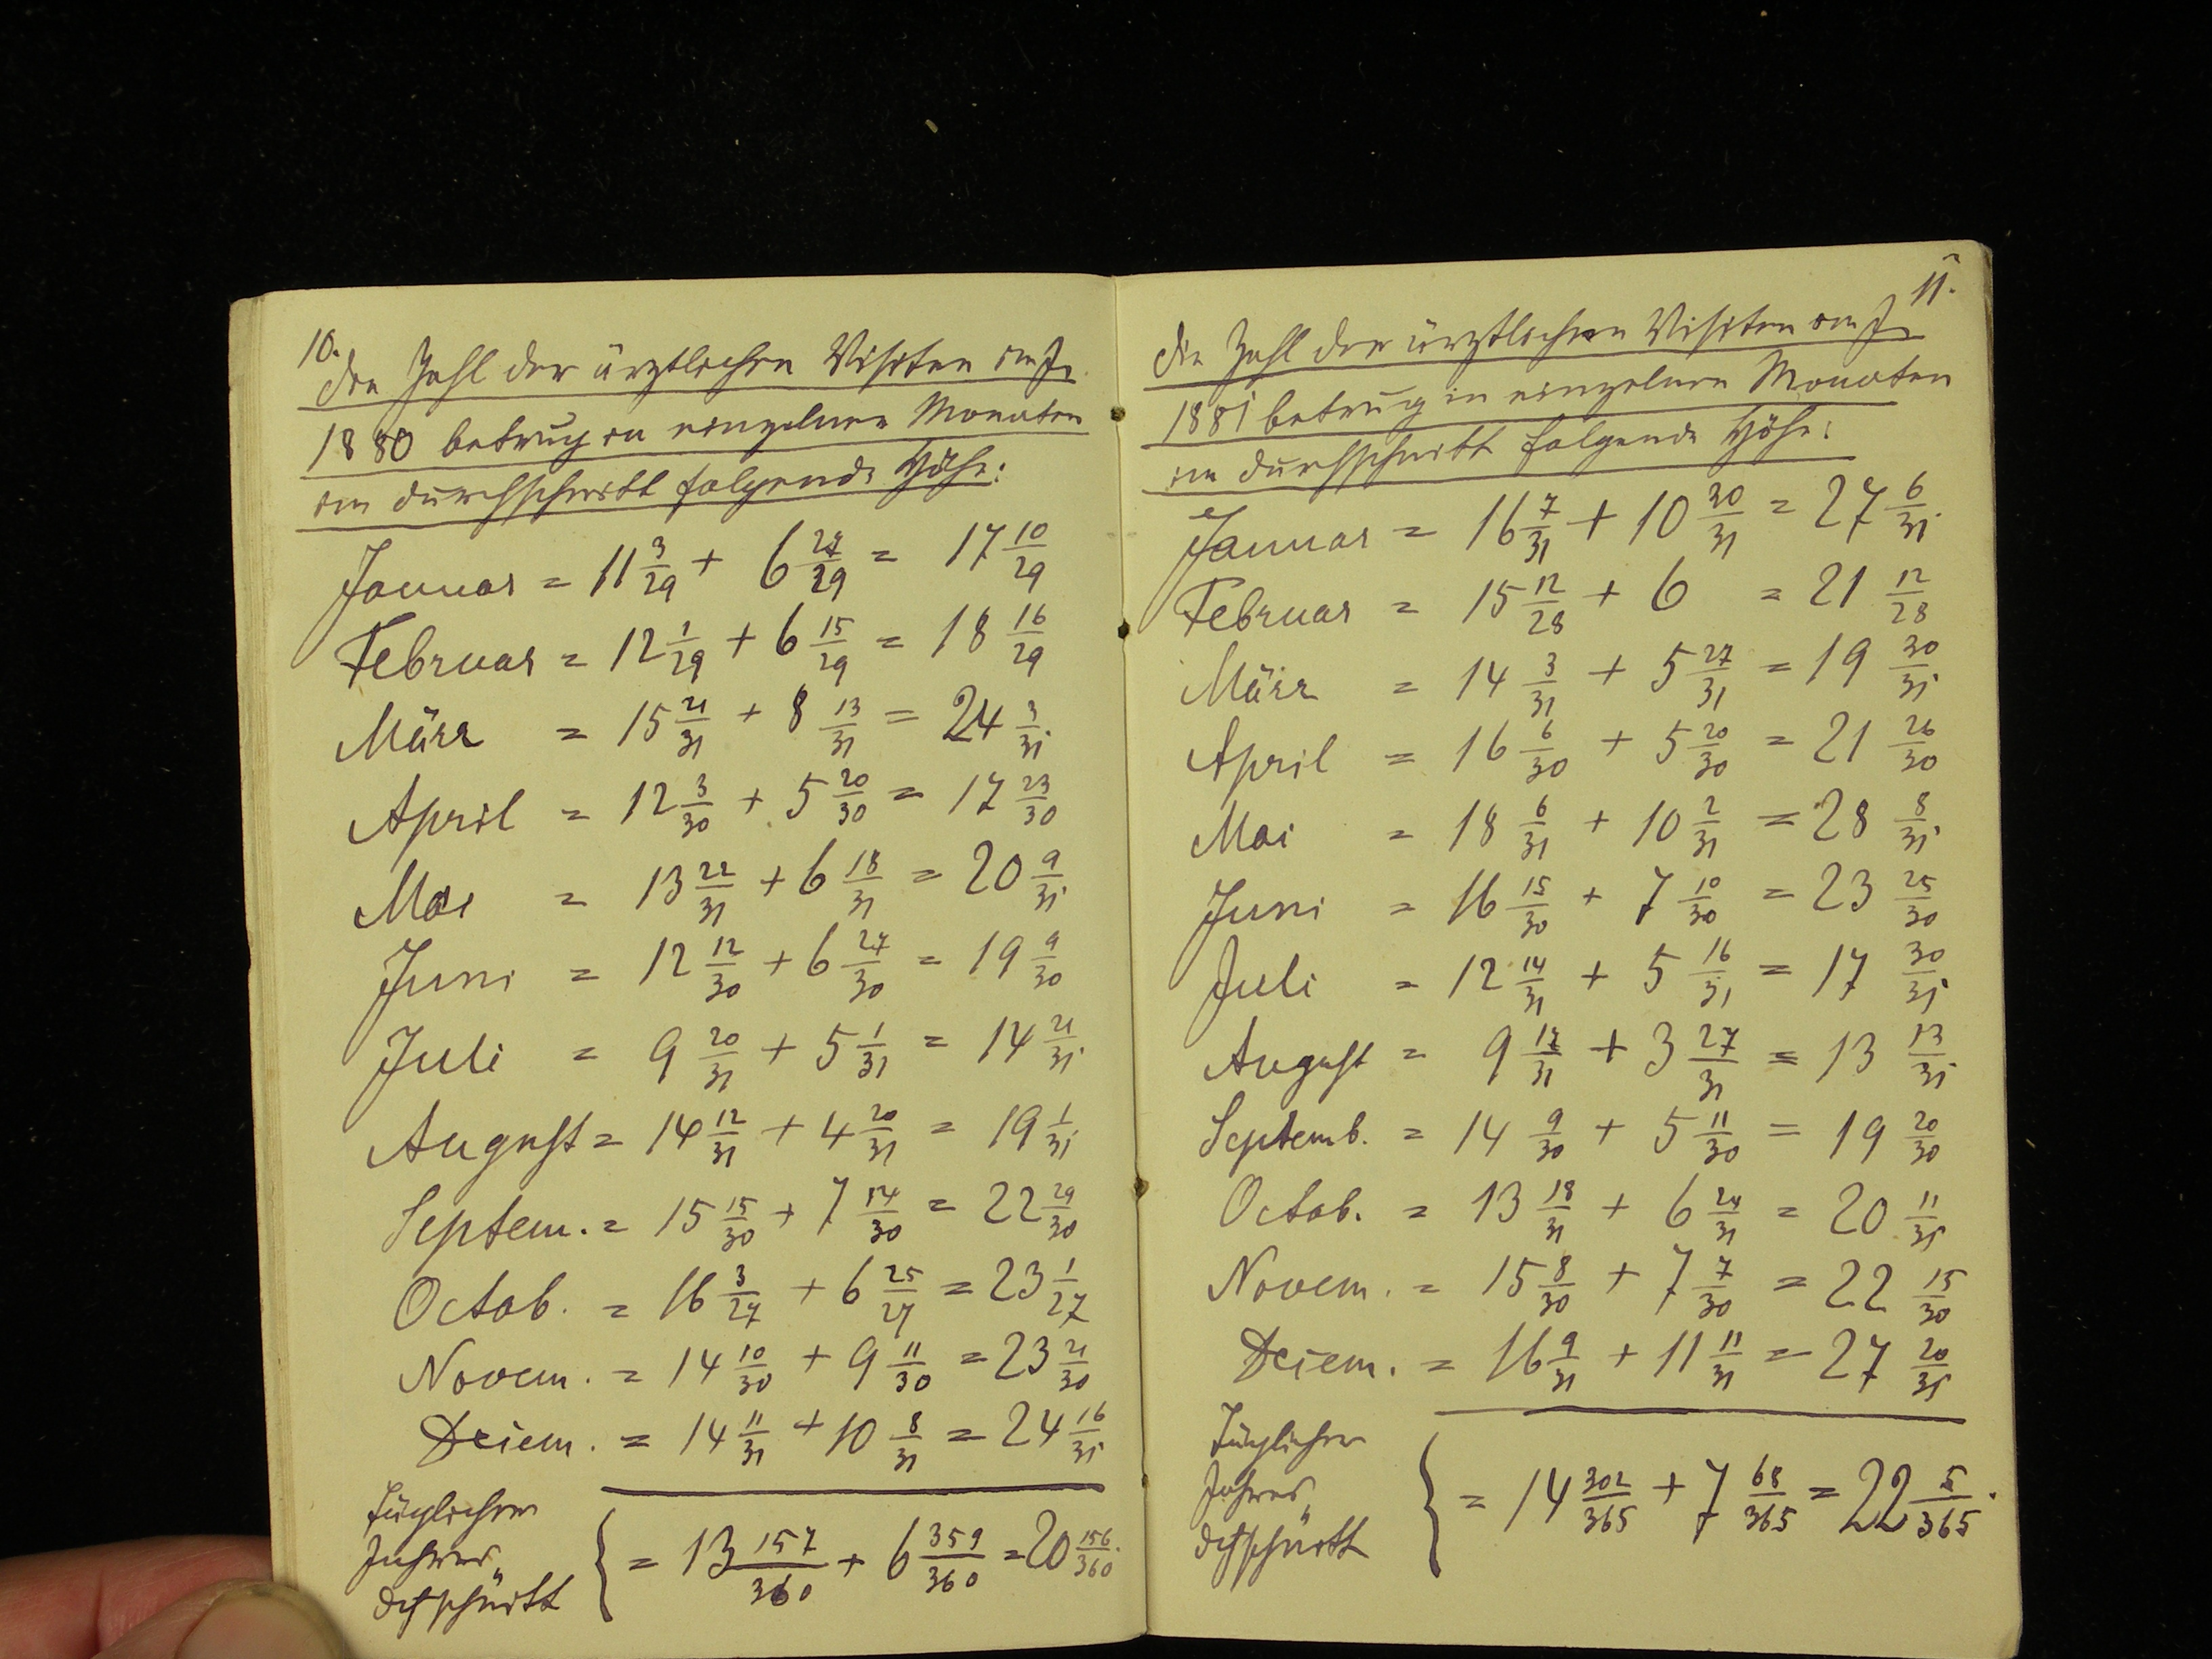10
Die Zahl der ärztlichen Visiten im Jahr
1880 betrug in einzelnen Monaten
im Durchschnitt folgende Höhe:
Januar = 11 3/29 + 6 27/29 = 17 10/29
Februar = 12 1/29 + 6 15/29 = 18 16/29
März = 15 21/31 + 8 13/31 = 24 3/31
April = 12 20/30 + 5 20/30 = 17 23/30
Mai = 13 22/31 + 6 18/31 = 20 9/31
Juni = 12 12/30 + 6 27/30 = 19 4/30
Juli = 9 20/31 + 5 1/31 = 14 21/31
August = 14 12/31 + 4 20/31 = 19 1/31
Septem. = 15 15/30 + 7 14/30 = 22 29/30
Octob. = 16 3/27 + 6 25/27 = 23 1/27
Novem. = 14 10/30 + 9 11/30 = 23 21/30
Decem. = 14 11/31 + 10 8/31 = 24 16/31
Täglicher
Jahres-
Durchschnitt
= 13 157/360 + 6 359/360 = 20 156/360
11
Die Zahl der ärztlichen Visiten im Jahr
1881 betrug in einzelnen Monaten
im Durchschnitt folgende Höhe:
Januar = 16 //31 + 10 30/31 = 27 6/31
Februar = 15 12/28 + 6 = 21 12/28
März = 14 3/31 + 5 27/31 = 19 30/31
April = 16 6/30 + 5 20/30 = 21 26/30
Mai = 18 6/31 + 10 2/31 = 28 8/31
Juni = 16 15/30 + 7 10/30 = 23 25/30
Juli = 12 14/31 + 5 16/31 = 17 30/31
August = 9 17/31 + 3 27/31 = 13 13/31
Septem. = 14 9/30 + 5 11/30 = 19 30/30
Octob. = 13 18/31 + 6 24/31 = 20 11/31
Novem. = 15 8/30 + 7 7/30 = 22 15/30
Decem. = 16 9/31 + 11 11/31 = 27 20/31
Täglicher
Jahres-
Durchschnitt
= 14 302/365 + 7 68/365 = 22 5/365